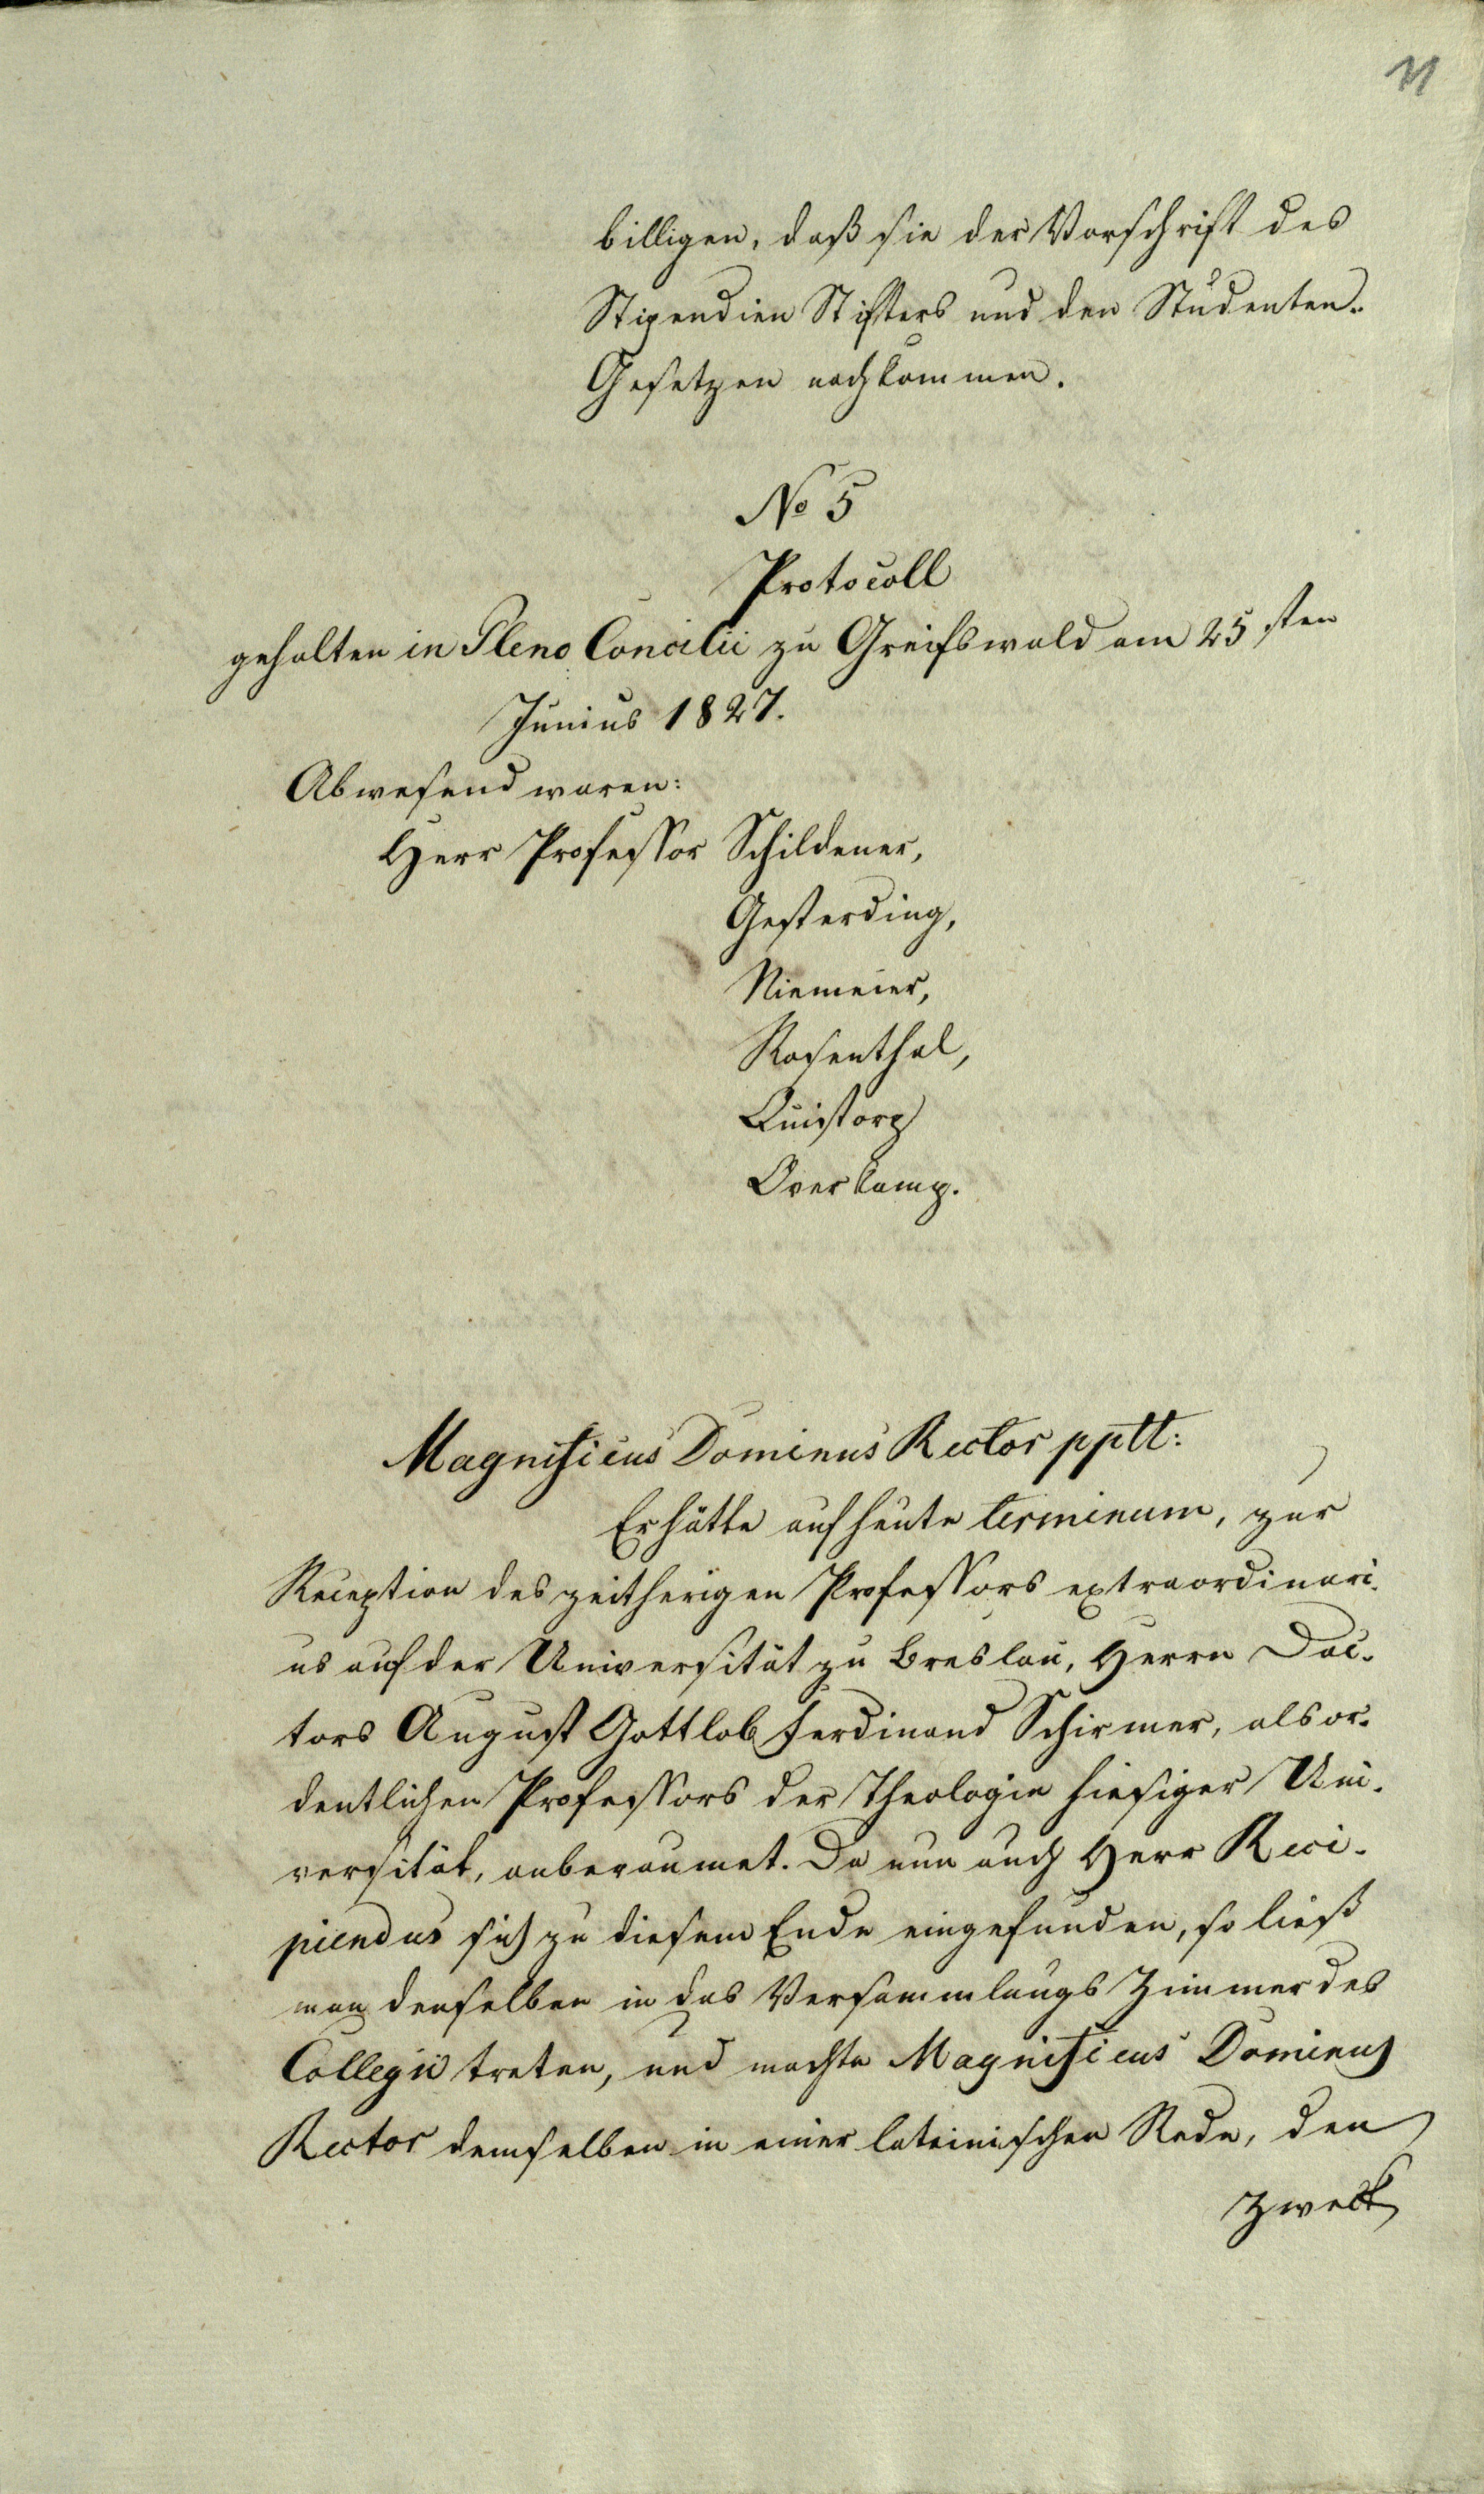billigen, daß sie der Vorschrift des
Stipendien Stifters und den Studenten¬
Gesetzen nachkommen.
Nº 5
Protocoll
gehalten in Pleno Concilii zu Greifswald am 25ten
Junius 1827
Abwesend waren:
Herr Professor Schildener,
Gesterding,
Niemeier,
Rosenthal,
Quistorp,
Overkamp.
Magnificus Dominus Rector pp tt:
Er hätte auf heute terminum, zur
Reception des zeitherigen Professors extraordinari¬
us auf der Universität zu Breslau, Herrn Doc¬
tors August Gottlob Ferdinand Schirmer, als or¬
dentlichen Professors der Theologie hiesiger Uni¬
versität, anberaumet. Da nun auch Herr Reci¬
piendus sich zu diesem Ende eingefunden, so ließ
man denselben in das Verammlungs Zimmer des
Collegii treten, und machte Magnificus Dominus
Rector demselben in einer lateinischen Rede, den
Zweck